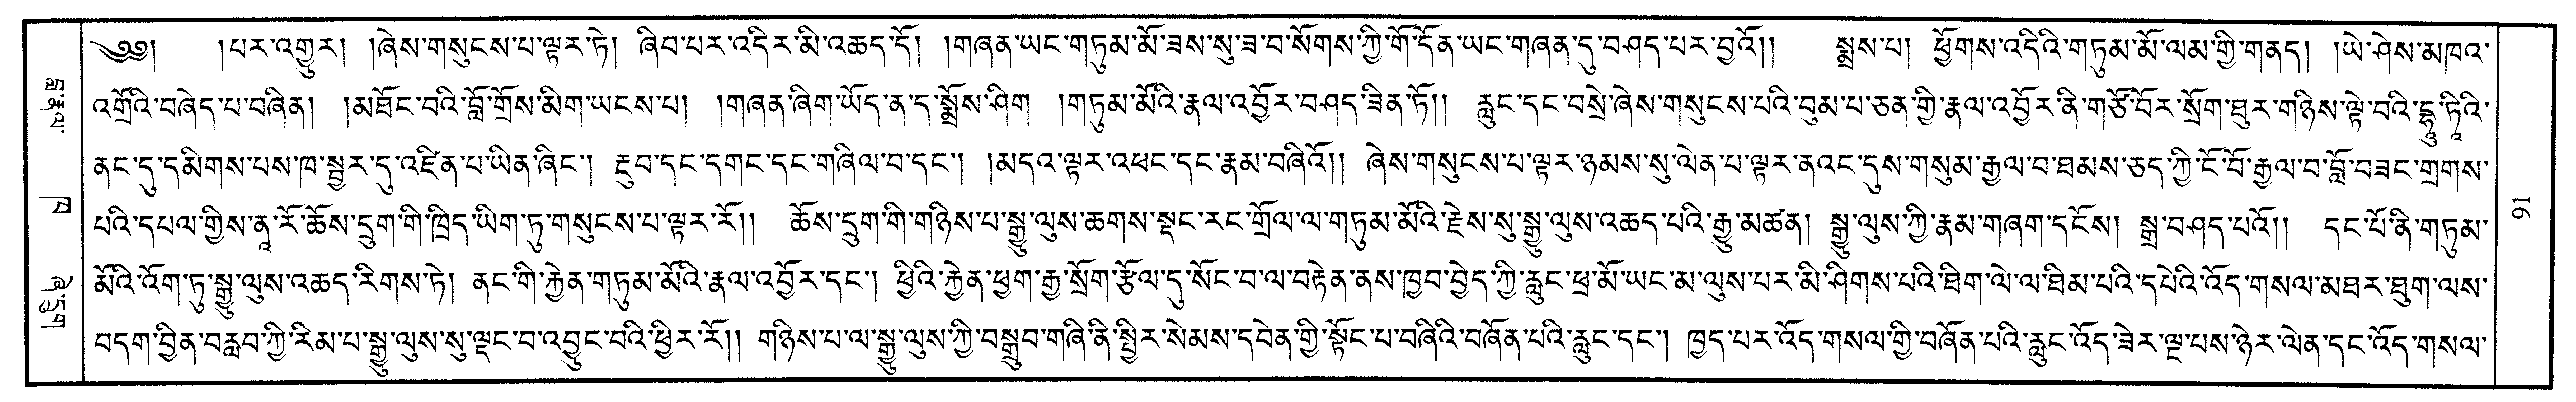༄༅། །པར་འགྱུར། །ཞེས་གསུངས་པ་ལྟར་ཏེ། ཞིབ་པར་འདིར་མི་འཆད་དོ། །གཞན་ཡང་གཏུམ་མོ་ཟས་སུ་ཟ་བ་སོགས་ཀྱི་གོ་དོན་ཡང་གཞན་དུ་བཤད་པར་བྱའོ།། སྨྲས་པ། ཕྱོགས་འདིའི་གཏུམ་མོ་ལམ་གྱི་གནད། །ཡེ་ཤེས་མཁའ་
འགྲོའི་བཞེད་པ་བཞིན། །མཐོང་བའི་བློ་གྲོས་མིག་ཡངས་པ། །གཞན་ཞིག་ཡོད་ན་ད་སྨྲོས་ཤིག །གཏུམ་མོའི་རྣལ་འབྱོར་བཤད་ཟིན་ཏོ། རླུང་དང་བསྲེ་ཞེས་གསུངས་པའི་བུམ་པ་ཅན་གྱི་རྣལ་འབྱོར་ནི་གཙོ་བོར་སྲོག་ཐུར་གཉིས་ལྟེ་བའི་དྷཱུ་ཏཱིའི་
ནང་དུ་དམིགས་པས་ཁ་སྦྱར་དུ་འཛིན་པ་ཡིན་ཞིང་། རྔུབ་དང་དགང་དང་གཞིལ་བ་དང་། །མདའ་ལྟར་འཕང་དང་རྣམ་བཞིའོ།། ཞེས་གསུངས་པ་ལྟར་ཉམས་སུ་ལེན་པ་ལྟར་ནའང་དུས་གསུམ་རྒྱལ་བ་ཐམས་ཅད་ཀྱི་ངོ་བོ་རྒྱལ་བ་བློ་བཟང་གྲགས་
པའི་དཔལ་གྱིས་ནཱ་རོ་ཆོས་དྲུག་གི་ཁྲིད་ཡིག་ཏུ་གསུངས་པ་ལྟར་རོ།། ཆོས་དྲུག་གི་གཉིས་པ་སྒྱུ་ལུས་ཆགས་སྡང་རང་གྲོལ་ལ་གཏུམ་མོའི་རྗེས་སུ་སྒྱུ་ལུས་འཆད་པའི་རྒྱུ་མཚན། སྒྱུ་ལུས་ཀྱི་རྣམ་གཞག་དངོས། སྒྲ་བཤད་པའོ།། དང་པོ་ནི་གཏུམ་
མོའི་འོག་ཏུ་སྒྱུ་ལུས་འཆད་རིགས་ཏེ། ནང་གི་རྐྱེན་གཏུམ་མོའི་རྣལ་འབྱོར་དང་། ཕྱིའི་རྐྱེན་ཕྱག་རྒྱ་སྲོག་རྩོལ་དུ་སོང་བ་ལ་བརྟེན་ནས་ཁྱབ་བྱེད་ཀྱི་རླུང་ཕྲ་མོ་ཡང་མ་ལུས་པར་མི་ཤིགས་པའི་ཐིག་ལེ་ལ་ཐིམ་པའི་དཔེའི་འོད་གསལ་མཐར་ཐུག་ལས་
བདག་བྱིན་བརླབ་ཀྱི་རིམ་པ་སྒྱུ་ལུས་སུ་ལྡང་བ་འབྱུང་བའི་ཕྱིར་རོ།། གཉིས་པ་ལ་སྒྱུ་ལུས་ཀྱི་བསྒྲུབ་གཞི་ནི་སྤྱིར་སེམས་དབེན་གྱི་སྟོང་པ་བཞིའི་བཞོན་པའི་རླུང་དང་། ཁྱད་པར་འོད་གསལ་གྱི་བཞོན་པའི་རླུང་འོད་ཟེར་ལྔ་པས་ཉེར་ལེན་དང་འོད་གསལ་